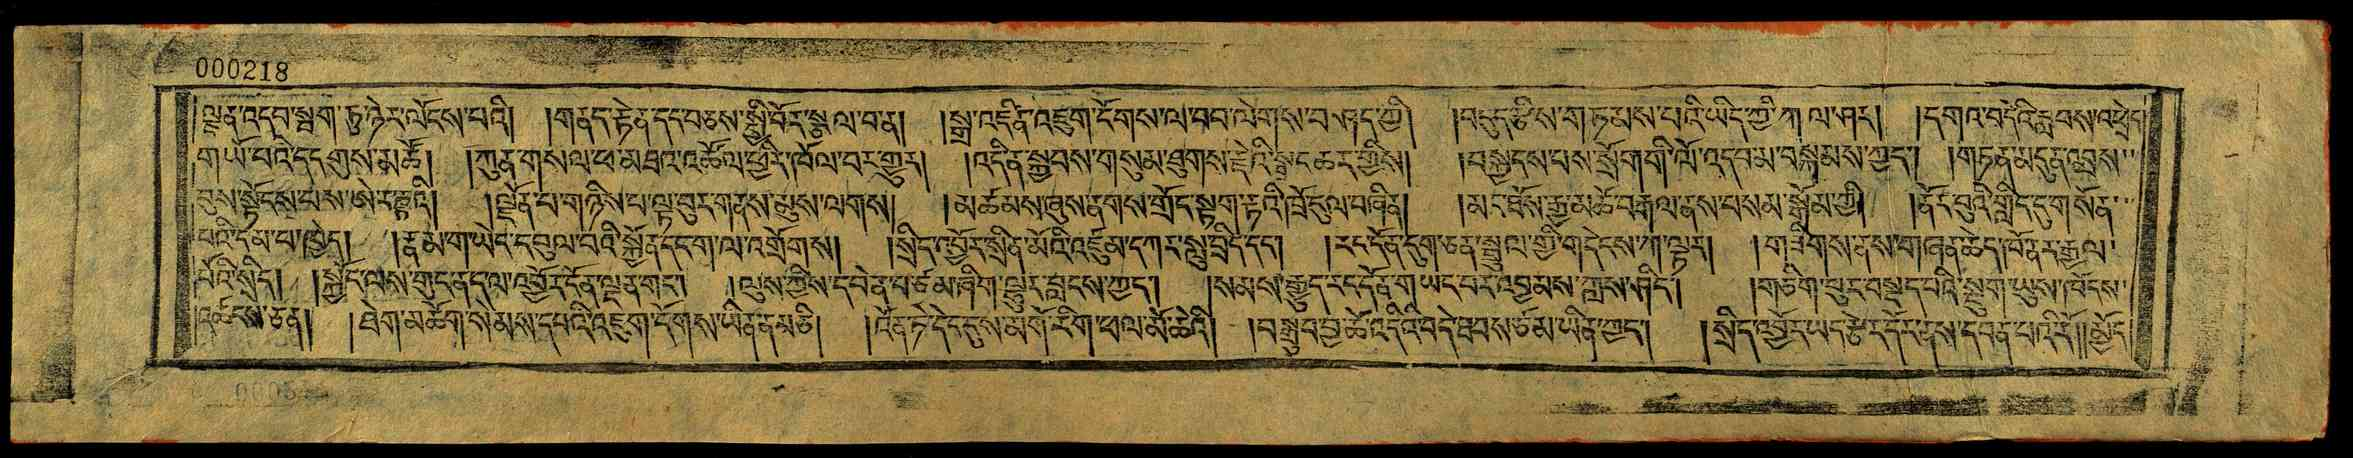ལྗན་འདབ་སྦག་ཏུ་ཉེར་ལོངས་པའི། །གནང་རྟེན་དང་བཅས་སྤྱི་བོར་སྩལ་བ་ན། །སྒྲ་འཛིན་འཇུག་དོགས་ལ་བབ་ལེགས་བཤད་ཀྱི། །བདུད་རྩིས་གཏམས་པའི་ཡིད་ཀྱི་ཀ་ལ་ཤར། །དགའ་བདེའི་རླབས་འཕྲེང་
གཡོ་བའི་དད་གུས་མཚོ། །ཀུན་གསལ་ཕ་མཐའ་འཚོལ་ཕྱིར་ཁོལ་བར་གྱུར། །འདི་ན་སྐྱབས་གསུམ་ཐུགས་རྗེའི་སྦྲང་ཆར་གྱིས། །བསྐྱངས་པས་སྲོག་གི་ལོ་འདབ་མ་བསྐམས་ཀྱང་། །གཏན་མདུན་འབྲས་
བུས་སྟོབས་པས་ཨེ་རཎྜའི། །ལྗོན་པ་གཉིས་པ་ལྟ་བུར་གནས་མུས་ལགས། །མཚམས་ཞུས་ནགས་གྲོང་སྟག་རྟའི་ཁྲོ་དུལ་བཞིན། །མང་ཐོས་རྒྱ་མཚོ་བརྒལ་ནས་བསམ་སྒོམ་གྱི། །ནོར་བུའི་གླིང་དུ་གསོན་
པའི་དམ་པ་ཁྱེད། །རྣམ་གཡེང་དབུལ་བའི་སྐྱོན་དང་ག་ལ་འགྲོགས། །སྲིད་འབྱོར་སྲིན་མོའི་འཛུམ་དཀར་སླུ་བྲིད་དང་། །རང་དོན་དུག་ཅན་སྦྲུལ་གྱི་གདེངས་ཀ་ལྟར། །གཟིགས་ནས་གཞན་ཆེད་ཁོ་ནར་རྒྱལ་
པོའི་སྲིད། །སྐྱོང་ལས་གུད་ན་དལ་འབྱོར་དོན་ལྡན་གང་། །ལུས་ཀྱིས་དབེན་པ་ཙམ་ཞིག་ལྷུར་བླངས་ཀྱང་། །སེམས་རྒྱུད་རང་དོན་གཡེང་བར་འབྱམས་ཀླས་ཤིང་། །གཅིག་པུར་བསྡད་པའི་སྡུག་ཡུས་ཁོངས་
འཚངས་ཅན། །ཐེག་མཆོག་སེམས་དཔའི་འཇུག་ངོགས་ཡིན་ནམ་ཅི། །འོན་ཏེ་དེང་དུས་མགོ་རིག་ཕལ་མོ་ཆེའི། །བསྒྲུབ་བྱ་ཚེ་འདིའི་བདེ་ཐབས་ཙམ་ཡིན་ཀྱང་། །སྲིད་འབྱོར་ཡང་རྩེར་དོར་ནས་དབེན་པའི་རོ། །མྱོང་